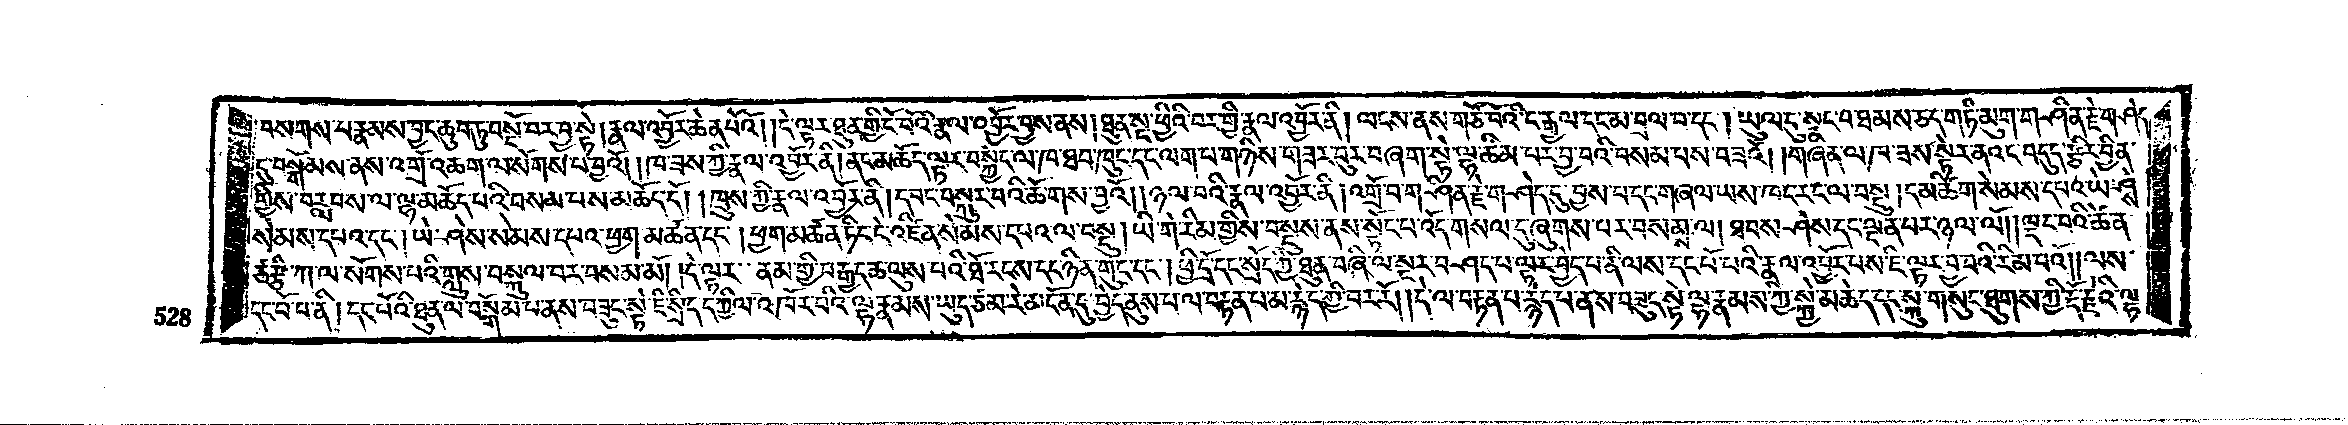བསགས་པ་རྣམས་བྱང་ཆུབ་ཏུ་བསྔོ་བར་བྱ་སྟེ། རྣལ་འབྱོར་ཆེན་པོའོ། །དེ་ལྟར་ཐུན་གྱི་ངོ་བོའི་རྣལ་འབྱོར་བྱས་ནས། ཐུན་སྔ་ཕྱིའི་བར་གྱི་རྣལ་འབྱོར་ནི། ལངས་ནས་གཙོ་བོའི་ང་རྒྱལ་དང་མ་བྲལ་བ་དང་། ཡུལ་དུ་སྣང་བ་ཐམས་ཅད་གཏི་མུག་གཤིན་རྗེ་གཤེད་
དུ་བསྒོམས་ནས་འགྲོ་འཆག་ལ་སོགས་པ་བྱའོ། །ཁ་ཟས་ཀྱི་རྣལ་འབྱོར་ནི། ནང་མཆོད་ལྟར་བསྐྱེད་ལ་ཁ་ཐབ་ཁུང་དང་ལག་པ་གཉིས་གཟར་བུར་བཞག་སྟེ་ལྷ་ཚིམ་པར་བྱ་བའི་བསམ་པས་བཟའོ། །གཞན་ལ་ཁ་ཟས་སྟེར་ནའང་བདུད་རྩིར་བྱིན་
གྱིས་བརླབས་ལ་ལྷ་མཆོད་པའི་བསམ་པས་མཆོད་དོ། །ཁྲུས་ཀྱི་རྣལ་འབྱོར་ནི། དབང་བསྐུར་བའི་ཆོ་གས་བྱའོ། །ཉལ་བའི་རྣལ་འབྱོར་ནི། འགྲོ་བ་གཤིན་རྗེ་གཤེད་དུ་བྱས་པ་དང་གཞལ་ཡས་ཁང་རང་ལ་བསྡུ། དམ་ཚིག་སེམས་དཔའ་ཡེ་ཤེས་
སེམས་དཔའ་དང་། ཡེ་ཤེས་སེམས་དཔའ་ཕྱག་མཚན་དང་། ཕྱག་མཚན་ཏིང་ངེ་འཛིན་སེམས་དཔའ་ལ་བསྡུ། ཡི་གེ་རིམ་གྱིས་བསྡུས་ནས་སྟོང་པ་འོད་གསལ་དུ་ཞུགས་པར་བསམས་ལ། ཐབས་ཤེས་དང་ལྡན་པར་ཉལ་ལོ། །ལྡང་བའི་ཚེ་ན་
ཙྲྩི་ཀ་ལ་སོགས་པའི་གླུས་བསྐུལ་བར་བསམ་མོ། །དེ་ལྟར་ནམ་གྱི་བརྒྱད་ཆ་ལུས་པའི་ཐོ་རངས་དང་ཉིན་གུང་དང་། ཕྱི་དྲོ་དང་སྲོད་ཀྱི་ཐུན་བཞི་ལ་སྔར་བཤད་པ་ལྟར་བྱེད་པ་ནི་ལས་དང་པོ་པའི་རྣལ་འབྱོར་པས་ཇི་ལྟར་བྱ་བའི་རིམ་པའོ། །ལས་
དང་པོ་པ་ནི། དང་པོའི་ཐུན་ལ་བསྒོམ་པ་ནས་བཟུང་སྟེ་ཇི་སྲིད་དཀྱིལ་འཁོར་བའི་ལྷ་རྣམས་ཡུད་ཙམ་རེ་མངོན་དུ་བྱེད་ནུས་པ་ལ་བརྟན་པ་མ་རྙེད་ཀྱི་བར་རོ། །དེ་ལ་བརྟན་པ་རྙེད་པ་ནས་བཟུང་སྟ་ལྷ་རྣམས་ཀྱི་སྐྱེ་མཆེད་དང་སྐུ་གསུང་ཐུགས་ཀྱི་རྡོ་རྗེའི་ལྷ་